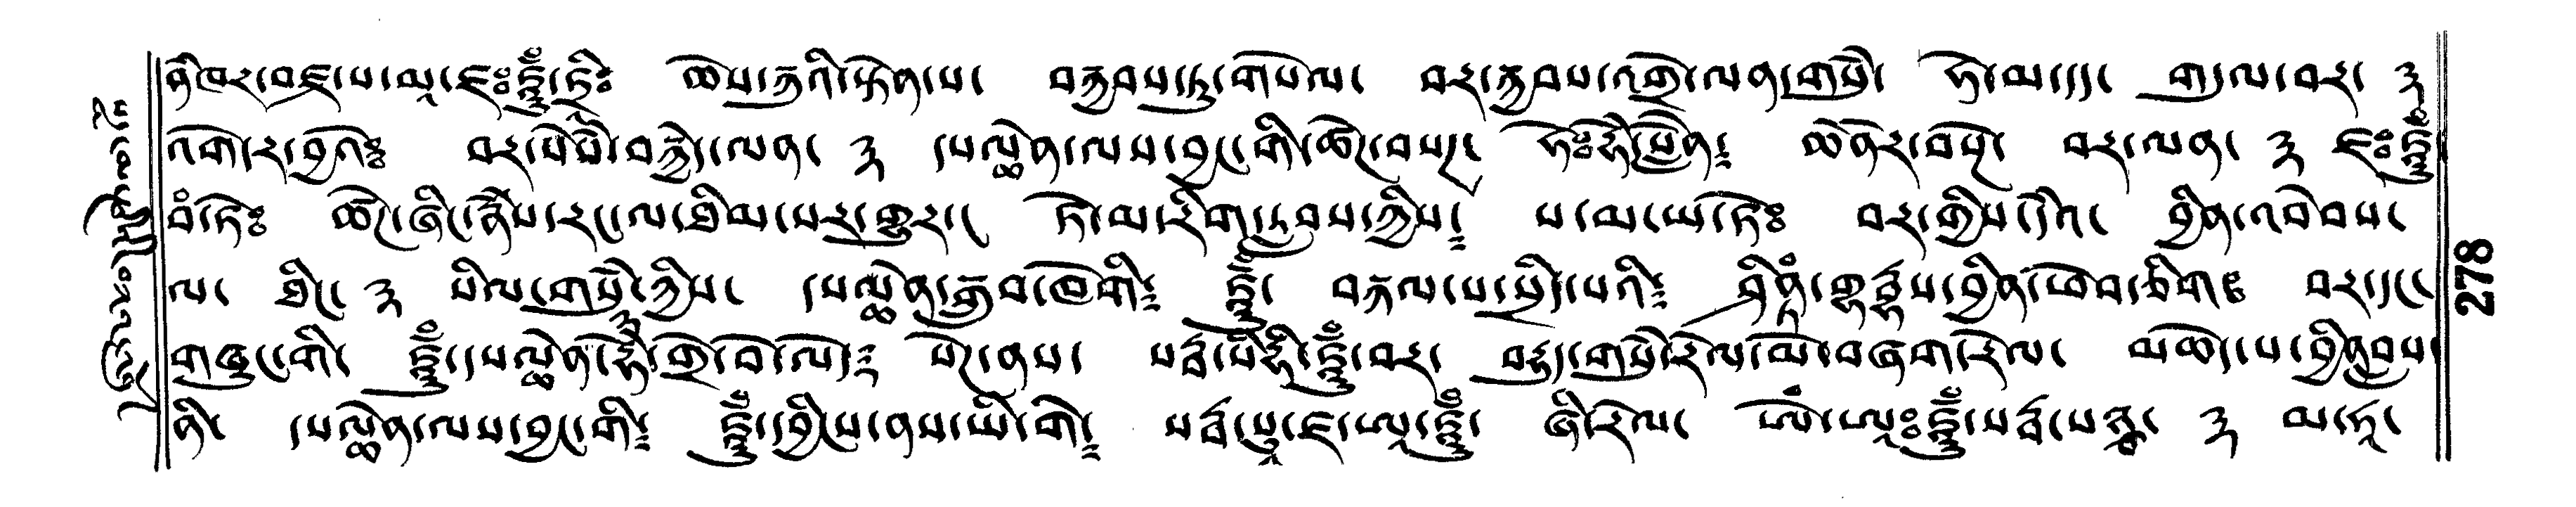ནམ་མཁར་བཛྲ་ས་མཱ་ཛཿཧཱུྃ་ཧྲཱིཿ ཆོས་སྐུའི་སྟོན་པ༴ བསྐྱབ་ཏུ་གསོལ༔ བར་སྐྱབས་འགྲོ་ལན་གསུམ། ཧོཿམ་དད༴ གདུལ༴ བར་གསུམ། 
འགོད་བར་བྱའོ༔ བར་སེམས་བསྐྱེད་ལན་གསུམ། དཔལ་ཆེན་ལས་བྱང་གི་ཚོགས་བསགས། ཧོཿརྡོ་རྗེ་སློབ་དཔོན༴ ཆེན་པོར་བསྔོ༔ བར་ལན་གསུམ། ཛཿཧཱུྃ་
བྃ་ཧོཿ ཚོགས་ཞིང་རྣམས་རང་ལ་ཐིམ་པར་གྱུར། ཧོཿམ་རིག་རླབས་ཀྱིས༴ ས་མ་ཡ་ཧོཿ བར་གྱིས་དམ་བཅའ། བྱིན་འབེབས་
ལ། ཐིང་གསུམ། སིལ་གསུམ་གཉིས་ཀྱིས། དཔལ་ཆེན་སྒྲུབ་ཁོག་གི ཧཱུྃ། བསྐལ་པ་སྲིད་པའི༴ ཤིནྟཾ་གྷརྦྷས་བྱིན་ཕོབ་ཅིག༔ བར་དང་། 
གཞུང་གི ཧཱུྃ་དཔལ་ཆེན་རྡོ་རྗེ་གྲོ་བོ་ལོད༔ སོགས་ནས། སརྦ་སིདྡྷི་ཧཱུྃ༔ བར། བརྒྱུད་གསུམ་རོལ་མོ་བཞག་རོལ། མཆོད་པ་བྱིན་རླབས་
ནི། དཔལ་ཆེན་ལས་བྱང་གི ཧཱུྃ༔དབྱིངས་ནས་ཡི་གེ༴ སརྦ་པཱུ་ཛ་ཨཱ་ཧཱུྃ༔ ཞི་རོལ། ཨོཾ་ཨཱཿཧཱུྃ་སརྦ་པཉྩ༴ གསུམ། མ་ཧཱ་